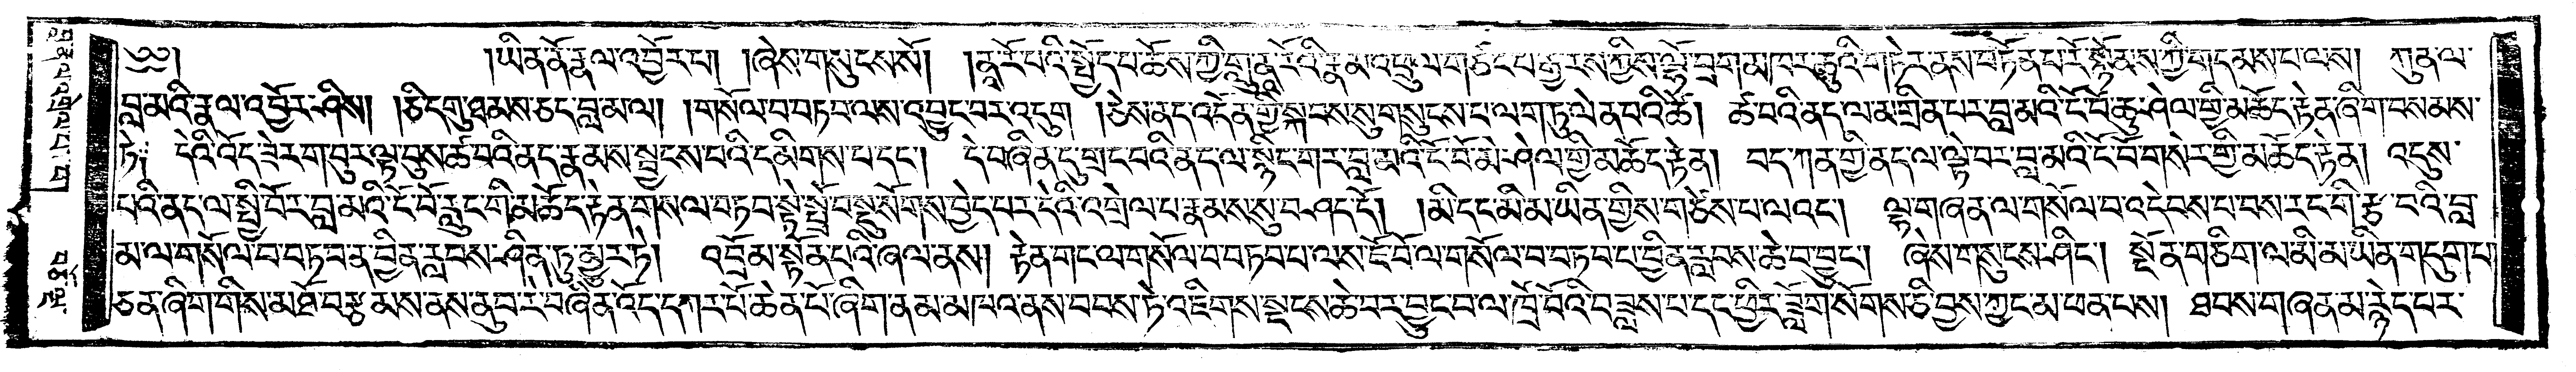༄༅། །ཡིན་ནོ་རྣལ་འབྱོར་པ། །ཞེས་གསུངས་སོ། །ནཱ་རོ་པའི་སྤྱོད་པ་ཆོས་ཀྱི་གླུ་ནཱ་རོའི་རྣམ་འཕྲུལ་གཙང་པ་རྒྱ་རས་ཀྱིས་ལྷོ་བྲག་མཁར་ཆུའི་གཏེར་ནས་བཏོན་པོར་སྙོམས་ཀྱི་གདམས་པ་ལས། ཀུན་ལ་
བླ་མའི་རྣལ་འབྱོར་ཤིས། །ཅི་དགུ་ཐམས་ཅད་བླ་མ་ལ། །གསོལ་བ་བཏབ་ལས་འབྱུང་བར་འདུག །ཅེས་ནད་འདོན་གྱི་སྐབས་སུ་གསུངས་པ་ལག་ཏུ་ལེན་པའི་ཚེ། ཚ་བའི་ནད་ལ་མགྲིན་པར་བླ་མའི་ངོ་བོ་ཆུ་ཤེལ་གྱི་མཆོད་རྟེན་ཞིག་བསམས་
ཏེ༑ དེའི་འོད་ཟེར་ག་བུར་ལྟ་བུས་ཚ་བའི་ནད་རྣམས་སྦྱངས་བའི་དམིགས་པ་དང་། དེ་བཞིན་དུ་གྲང་བའི་ནད་ལ་སྙིང་གར་བླ་མའི་ངོ་བོ་མེ་ཤེལ་གྱི་མཆོད་རྟེན། བད་ཀན་གྱི་ནད་ལ་ལྟེ་བར་བླ་མའི་ངོ་བོ་གསེར་གྱི་མཆོད་རྟེན། འདུས་
བའི་ནང་ལ་སྤྱི་བོར་བླ་མའི་ངོ་བོ་རླུང་གི་མཆོད་རྟེན་གསལ་བཏབ་སྟ་སྤོང་དུ་སོགས་བྱེད་པར་དེའི་འགྲེལ་པ་རྣམས་སུ་བཤད་དོ། །མི་དང་མི་མ་ཡིན་གྱིས་གཙེས་པ་ལའང་། ལྷ་གཞན་ལ་གསོལ་བ་འདེབས་པ་བས་རང་གི་རྩ་བའི་བླ་
མ་ལ་གསོལ་བ་བཏབ་ན་བྱིན་རླབས་ཤིན་ཏུ་མྱུར་ཏེ། འབྲོམ་སྟོན་པའི་ཞལ་ནས། རྟེན་གང་ལ་གསོལ་བ་བཏབ་པ་ལས་ངོ་བོ་ལ་གསོལ་བ་བཏབ་པ་བྱིན་རླབས་ཆེ་བ་བྱུང་། ཞེས་གསུངས་ཤིང་། སྔོན་གཅིག་ལ་མི་མ་ཡིན་གདུག་པ་
ཅན་ཞིག་གིས་མཐོ་བརྩམས་ནས་ནུབ་རེ་བཞིན་འོད་དཀར་པོ་ཆེན་པོ་ཞིག་ནམ་མཁའ་ནས་བབས་ཏེ་འཇིགས་སྡངས་ཆེ་བར་བྱུང་བ་ལ་ཁྲོ་བོའི་བཟླས་པ་དང་ཕྱིར་ཟློག་སོགས་ཅི་བྱས་ཀྱང་མ་ཕན་པས། ཐབས་གཞན་མ་རྙེད་པར་